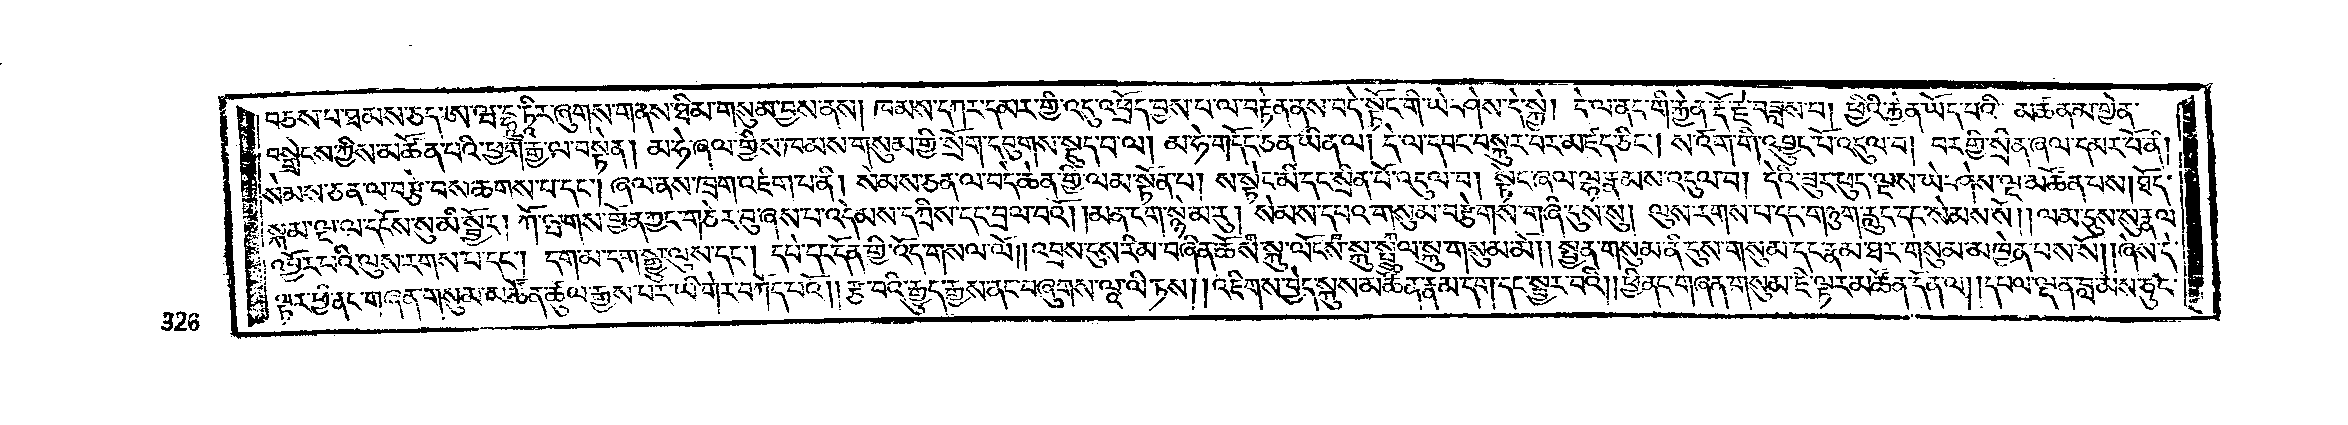བཅས་པ་ཐམས་ཅད་ཨ་ཝ་དྷཱུ་ཏཱིར་ཞུགས་གནས་ཐིམ་གསུམ་བྱས་ནས། ཁམས་དཀར་དམར་གྱི་འདུ་འཕྲོད་བྱས་པ་ལ་བརྟེན་ནས་བདེ་སྟོང་གི་ཡེ་ཤེས་དེ་སྐྱེ། དེ་ལ་ནང་གི་རྐྱེན་རྡོ་རྗེ་བཟླས་པ། ཕྱིའི་རྐྱེན་ཡོད་པའི་མཚན་མ་གྱེན་
བསྒྲེངས་ཀྱིས་མཚོན་པའི་ཕྱག་རྒྱ་ལ་བསྟེན། མ་ཧེ་ཞལ་གྱིས་ཁམས་གསུམ་གྱི་སྲོག་དབུགས་སྡུད་པ་ལ། མ་ཧེ་གདོང་ཅན་ཡིན་ལ། དེ་ལ་དབང་བསྐུར་བར་མཛད་ཅིང་། ས་འོག་གི་འབྱུང་པོ་འདུལ་བ། བར་གྱི་སྲིན་ཞལ་དམར་པོ་ནི།
སེམས་ཅན་ལ་བརྩེ་བས་ཆགས་པ་དང་།ཞལ་ནས་ཁྲག་འཛག་པ་ནི། སེམས་ཅན་ལ་བདེ་ཆེན་གྱི་ལམ་སྟོན་པ། ས་སྟེང་མི་དང་སྲིན་པོ་འདུལ་བ། སྟེང་ཞལ་ལྷ་རྣམས་འདུལ་བ། དེའི་ཟུར་ཕུད་ལྔས་ཡེ་ཤེས་ལྔ་མཚོན་པས། ཐོད་
སྐམ་ལྔ་ལ་དངོས་སུ་མི་སྦྱོར། ཀོ་ལྤགས་གྱོན་ཀྱང་གཅེར་བུ་ཞས་པ་འདེམས་དཀྲིས་དང་བྲལ་བའོ། །མན་ངག་སྙེ་མ་རུ། སེམས་དཔའ་གསུམ་བརྩེགས་གཞི་དུས་སུ། ལུས་རགས་པ་དང་གཉུག་རླུང་དང་སེམས་སོ། །ལམ་དུས་སུ་རྣལ་
འབྱོར་པའི་ལུས་རགས་པ་དང་།དག་མ་དག་སྒྱུ་ལུས་དང་།དཔེ་དང་དོན་གྱི་འོད་གསལ་ལོ། །འབྲས་དུས་རིམ་བཞིན་ཆོས་ག་སྐུ་ལོངས་ཁ་སྐུ་སྤྲུལ་ཀ་སྐུ་གསུམ་མོ། །སྤྱན་གསུམ་ནི་དུས་གསུམ་དང་རྣམ་ཐར་གསུམ་མཁྱེན་པས་སོ། །ཞེས་དེ་
ལྟར་ཕྱི་ནང་གཞན་གསུམ་མཚན་ཚུལ་རྒྱས་པར་ཡི་གེར་བཀོད་པའོ། །རྩ་བའི་རྒྱུད་རྒྱས་ནང་བཞུགས་ལཱ་ལི་ཏས། །འཇིགས་བྱེད་སྐུས་མཚོན་རྣམ་དག་དང་སྦྱར་བའི། །ཕྱི་ནང་གཞན་གསུམ་ཇི་ལྟར་མཚོན་དོན་ལ། །དཔལ་ལྡན་བླ་མས་ཅུང་